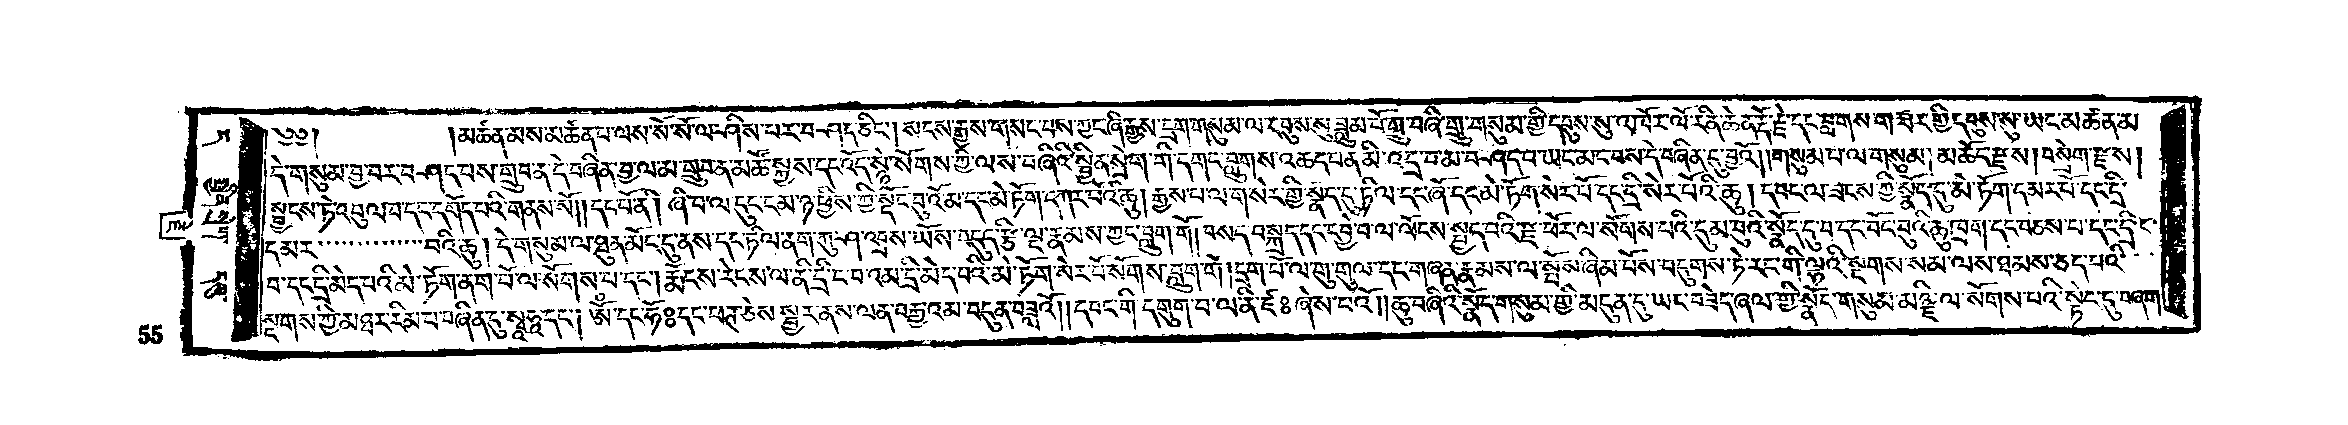༄༅། །མཚན་མས་མཚན་པ་ལས་སོ་སོ་ལ་ཤིས་པར་བཤད་ཅིང་། སངས་རྒྱས་གསང་པས་ཀྱང་ཞི་རྒྱས་དྲག་གསུམ་ལ་དབུས་སུ་ཟླུམ་པོ་གྲུ་བཞི་གྲུ་གསུམ་གྱི་དབུས་སུ་འཁོར་ལོ་རིན་ཆེན་རྡོ་རྗེ་དང་བླགས་གཟར་གྱི་དབུས་སུ་ཡང་མཚན་མ་
དེ་གསུམ་བྱ་བར་བཤད་པས་གྲུབ་ན་དེ་བཞིན་བྱ་ལ་མ་གྲུབ་ན་མཚོ་སྐྱས་དང་འོད་སྙེ་སོགས་ཀྱི་ལས་བཞིའི་སྦྱིན་སྲེག་གི་དགང་བླུགས་འཆད་པ་ན་མི་འདྲ་བ་མ་བཤད་པ་ཡང་མང་བས་དེ་བཞིན་དུ་བྱའོ། །གསུམ་པ་ལ་གསུམ། མཆོད་རྫས། བསྲེག་རྫས།
སྦྱངས་ཏེ་འབུལ་བ་དང་དགོད་པའི་གནས་སོ། །དང་པོ་ནི། ཞི་བ་ལ་དུང་ངམ་ཉ་ཕྱིས་ཀྱི་སྡོང་བུ་འོ་མ་དང་མེ་ཏོག་དཀར་པོའི་ཆུ། རྒྱས་པ་ལ་གསེར་གྱི་སྣོད་དུ་ཏིལ་དང་ཞོ་དང་མེ་ཏོག་སེར་པོ་དང་དྲི་སེར་པོའི་ཆུ། དབང་ལ་ཟངས་ཀྱི་སྣོད་དུ་མེ་ཏོག་དམར་པོ་དང་དྲི་
དམར་བའི་ཆུ། དེ་གསུམ་ལ་ཐུན་མོང་དུ་ནས་དང་ཏིལ་ནག་ཀུ་ཤ་འབྲས་ཡོས་བདུད་རྩི་ལྔ་རྣམས་ཀྱང་བླུག་གོ །བསད་བསྐྲད་དང་དབྱེ་བ་ལ་ལོངས་སྤྱོད་པའི་རྫ་ཕོར་ལ་སོགས་པའི་དུམ་བུའི་སྣོད་དུ་བ་དང་བོང་བུའི་ཆུ་ཁྲག་དང་བཅས་པ་དང་དྲི་ང་
བ་དང་དྲི་མེད་པའི་མེ་ཏོག་ནག་པོ་ལ་སོགས་པ་དང་། རྨོངས་རེངས་ལ་ནི་དྲི་ང་བ་འམ་དྲི་མེད་པའི་མེ་ཏོག་སེར་པོ་སོགས་བླུག་གོ། དྲག་པོ་ལ་གུ་གུལ་དང་གཞན་རྣམས་ལ་སྤོས་ཞིམ་པོས་བདུགས་ཏེ་རང་གི་ལྷའི་སྔགས་སམ་ལས་ཐམས་ཅད་པའི་
སྔགས་ཀྱི་མཐར་རིམ་པ་བཞིན་དུ་སྭཱཧཱ་དང་། ཨོཾ་དང་ཧོཿ དང་ཕཊ་ཅེས་སྦྱར་ནས་ལན་བརྒྱ་འམ་བདུན་བཟླའོ། །དབང་གི་དགུག་པ་ལ་ནི་ཛཿ ཞེས་པའོ། །ཆུ་བཞིའི་སྣོད་གསུམ་གྱི་མདུན་དུ་ཡང་བཟེད་ཞལ་གྱི་སྣོད་གསུམ་མཉྫི་ལ་སོགས་པའི་སྟེང་དུ་བཞག་